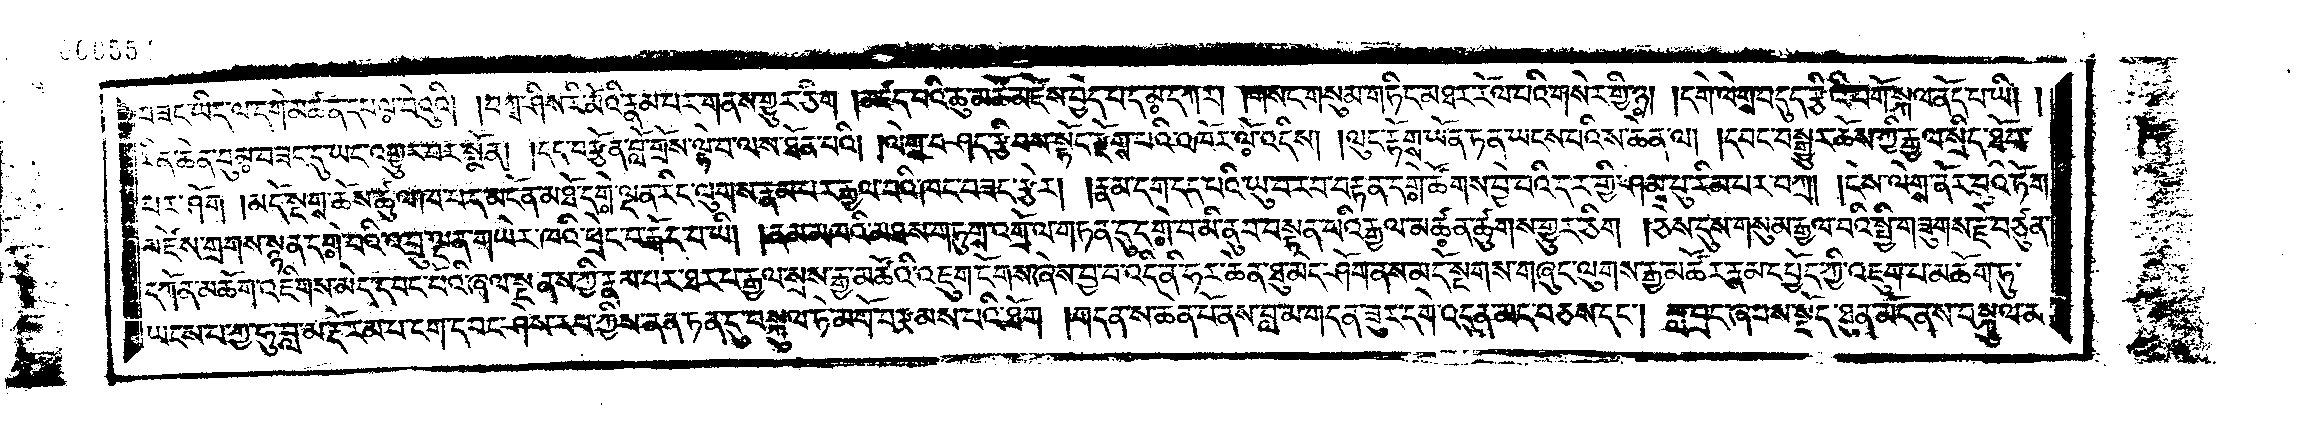བཟང་ཡིད་ལ་དགེ་མཚན་དཔལ་བེའུའི། །བཀྲ་ཤིས་རི་མོའི་རྣམ་པར་གནས་གྱུར་ཅིག །མཛད་པའི་ཆུ་མཚོ་མཛེས་བྱེད་པད་མ་དཀར། །གསང་གསུམ་གཏིང་མཐར་རོལ་པའི་གསེར་གྱི་ཉ། །དགེ་ལེགས་བདུད་རྩིའི་བགོ་སྐལ་ནོད་པ་ཡི། །
རིན་ཆེན་བུམ་བཟང་དུ་ཡང་འགྱུར་བར་སྨོན། །དད་བརྩོན་བློ་གྲོས་ལྟེ་བ་ལས་ཐོན་པའི། །ལེགས་བཤད་རྩིབས་སྟོང་རྫོགས་པའི་འཁོར་ལོ་འདིས། །ལུང་རྟོགས་ཡོན་ཏན་ཡངས་པའི་ས་ཆེན་ལ། །དབང་བསྒྱུར་ཆོས་ཀྱི་རྒྱལ་སྲིད་ཐོབ་
པར་ཤོག །མདོ་སྔགས་ཆོས་ཚུལ་ཁ་པད་མངོན་མཐོ་དགེ་ལྡན་རིང་ལུགས་རྣམ་པར་རྒྱལ་བའི་ཁང་བཟང་རྩེར། །རྣམ་དག་དད་པའི་ཡུ་བ་རབ་བརྟན་དགེ་ཚོགས་བྱེ་བའི་དར་གྱི་ཤམ་པུ་རིམ་པར་བཀྲ། །དེས་ལེགས་ནོར་བུའི་ཏོག་
མཛེས་གྲགས་སྙན་དགེ་བའི་འབྲུ་ལྡན་གཡེར་ཁའི་ཕྲེང་བ་རྒོད་པ་ཡི། །ནམ་མཁའི་མཐས་གཏུགས་འགྲོ་ལ་གཏན་དུ་དགེ་བ་མི་ནུབ་པ་བསྟན་པའི་རྒྱལ་མཚན་ཚུགས་གྱུར་ཅིག །ཅེས་དུས་གསུམ་རྒྱལ་བའི་སྤྱི་གཟུགས་རྗེ་བཙུན་
དཀོན་མཆོག་འཇིགས་མེད་དབང་པོའི་ཞལ་སྔ་ནས་ཀྱི་རྣམ་པར་ཐར་པ་རྒྱལ་སྲས་རྒྱ་མཚོའི་འཇུག་ངོགས་ཞེས་བྱ་བ་འདི་ནི་ཧར་ཆེན་ཐུ་མེད་ཤོག་ནས་མདོ་སྔགས་གཞུང་ལུགས་རྒྱ་མཚོར་རྣམ་དཔྱོད་ཀྱི་འཇུག་པ་མཆོག་ཏུ་
ཡངས་པ་ཀྱ་ཧུ་བླ་མ་རྡོ་རམ་པ་ངག་དབང་ཤེས་རབ་ཀྱིས་ནན་ཏན་དུ་བསྐུལ་ཏེ་མགོ་བརྩམས་པའི་ཐོག །གདན་ས་ཆེན་པོ་ནས་བླ་མ་གདན་ཟུར་དགེ་འདུན་མང་བཅས་དང་། བླ་བྲང་ཞབས་སྡོད་ཐུན་མོང་ནས་བསྐུལ་མ་